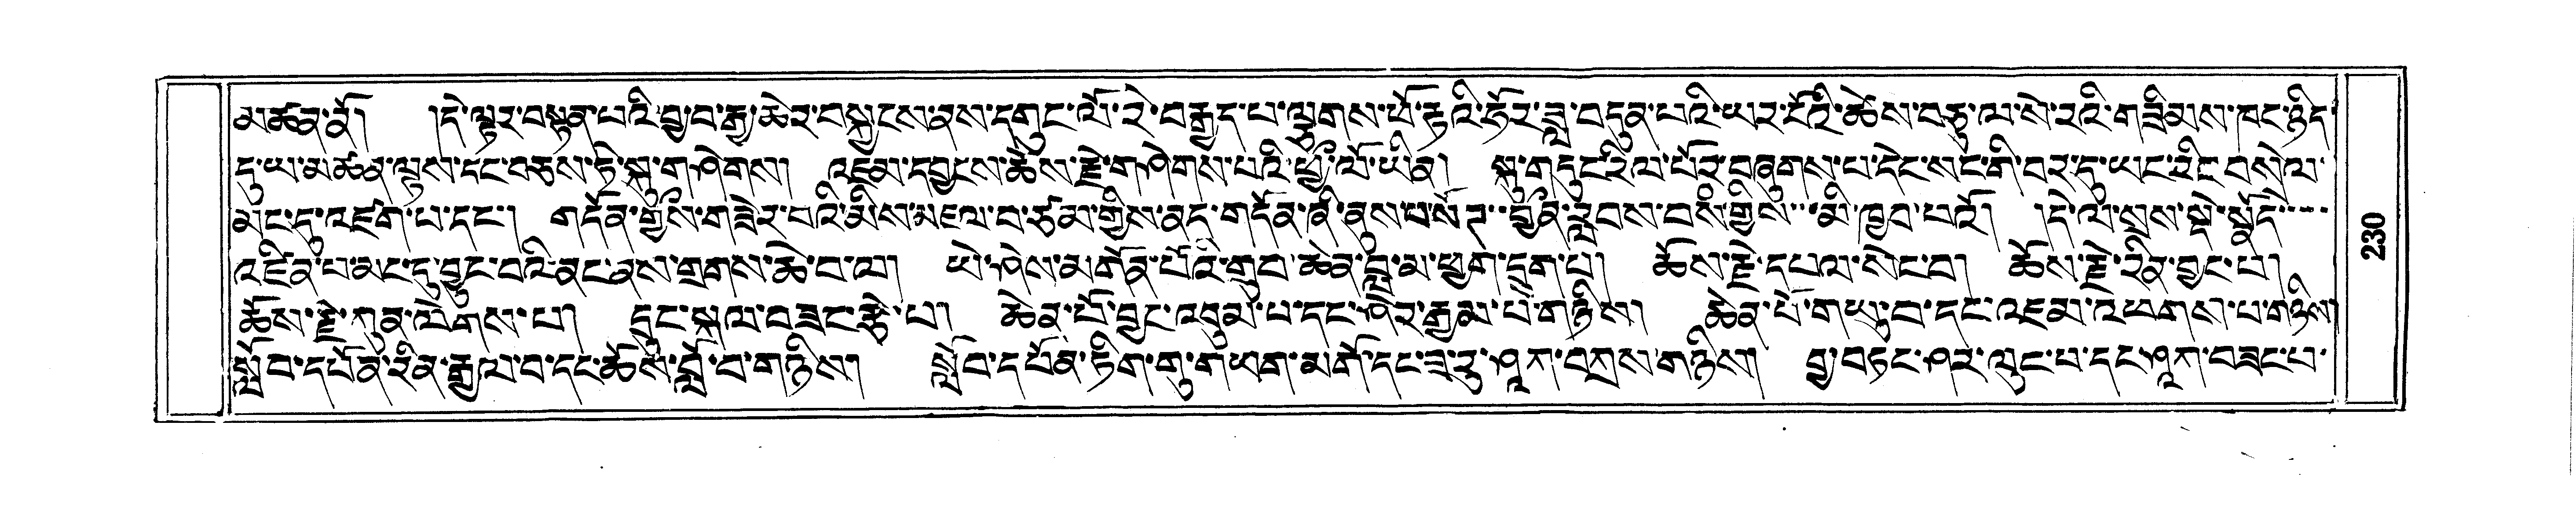མཚན་ནོ། །དེ་ལྟར་བསྟན་པའི་བྱ་བ་རྒྱ་ཆེར་བསྐྱངས་ནས་དགུང་ལོ་རེ་བརྒྱད་པ་ལྕགས་ཕོ་རྟའི་ཧོར་ཟླ་བདུན་པའི་ཡར་ངོའི་ཚེས་བཅུ་ལ་སེ་རའི་གཟིམས་ཁང་ཉིད་
དུ་ཡ་མཚན་ལྟས་དང་བཅས་ཏེ་སྐུ་གཤེགས། འཇམ་དབྱངས་ཆེས་རྗེ་གཤེགས་པའི་ཕྱྀ་ལོ་ཡིན། སྐུ་གདུང་རིལ་པོར་བཞུགས་པ་དེང་སང་གི་བར་དུ་ཡང་རིང་བསྲེལ་
མང་དུ་འཛག་པ་དང་། གདོན་གྱྀས་གཟེར་བའི་མིས་མཇལ་བ་ཙམ་གྱིས་ནད་གདོན་ཞི་ནུས་བ་སོཊ་བྱྀན་རླབས་བསཾ་གྱིས་མི་ཁྱབ་པའོ། །དེ་ལ་སྲས་སྡེ་སྣོད་
འཛིན་པ་མང་དུ་བྱུང་བའི་ནང་ནས་གྲགས་ཆེ་བ་ལ། ཡེ་ཤེས་མགོན་པོའི་གྲུབ་ཆེན་བླ་མ་ཕྱག་དྲུག་པ། ཆོས་རྗེ་དཔལ་སེང་བ། ཆོས་རྗེ་རིན་བྱང་པ།
ཆོས་རྗེ་ཀུན་ལེགས་པ། དྲུང་སྐལ་བཟང་རྩེ་པ། ཆེན་པོ་བྱང་འབུམ་པ་དང་ཤེར་རྒྱམ་པ་གཉིས། ཆེན་པོ་གཡུ་བ་དང་འཇམ་འཕགས་པ་གཉིས།
སློབ་དཔོན་རིན་རྒྱལ་བ་དང་ཆོས་བློ་བ་གཉིས། སློབ་དཔོན་ཏིག་གུ་གཡག་མགོ་དང་ཟ་རུ་ཤཱཀ་བཀྲས་གཉིས། བྱ་བཏང་ཤར་ལུང་པ་དང་ཤཱཀ་བཟང་པ་